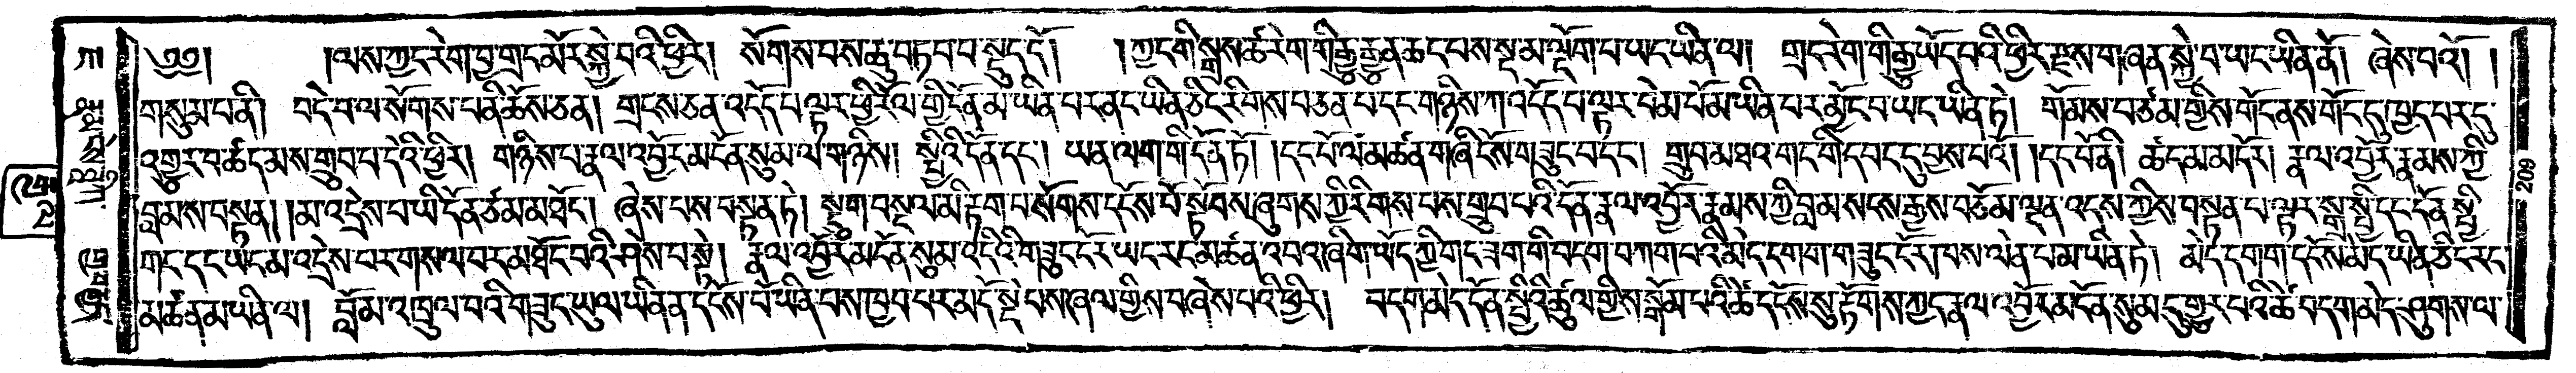༄༅། །ལས་ཀྱང་རེག་བྱ་གྲང་མོར་སྐྱེ་བའི་ཕྱིར། སོགས་པས་ཆུ་བཏབ་པ་སྡུད་དོ། །ཀྱང་གི་སྒྲས་ཚ་རེག་གི་རྒྱུ་རྒྱུན་ཆད་པས་སྔ་མ་ལྡོག་པ་ཡང་ཡིན་ལ། གྲང་རེག་གི་རྒྱུ་ཡོད་པའི་ཕྱིར་རྫས་གཞན་སྐྱེ་བ་ཡང་ཡིན་ནོ། ཞེས་པའོ། །
གསུམ་པ་ནི། བདེ་བ་ལ་སོགས་པ་ནི་ཆོས་ཅན། གྲངས་ཅན་འདོད་པ་ལྟར་ཕྱི་རོལ་གྱི་དོན་མ་ཡིན་པར་ནང་ཡིན་ཅིང་རིགས་པ་ཅན་པ་དང་གཉིས་ཀ་འདོད་པ་ལྟར་བེམ་པོ་མ་ཡིན་པར་མྱོང་བ་ཡང་ཡིན་ཏེ། གོམས་པ་ཙམ་གྱིས་གོང་ནས་གོང་དུ་ཁྱད་པར་དུ་
འགྱུར་བ་ཚད་མས་གྲུབ་པ་དེའི་ཕྱིར། གཉིས་པ་རྣལ་འབྱོར་མངོན་སུམ་ལ་གཉིས། སྤྱིའི་དོན་དང་། ཡན་ལག་གི་དོན་ཏོ། །དང་པོ་ལ་མཚན་གཞི་ངོས་གཟུང་བ་དང་། གྲུབ་མཐའ་གང་གི་དབང་དུ་བྱས་པའོ། །དང་པོ་ནི། ཚད་མ་མདོར། རྣལ་འབྱོར་རྣམས་ཀྱི་
བླ་མས་བསྟན། །མ་འདྲེས་པ་ཡི་དོན་ཙམ་མཐོང་། ཞེས་པས་བསྟན་ཏེ། སྡུག་བསྔལ་མི་རྟག་པ་སོགས་དངོས་པོ་སྟོབས་ཞུགས་ཀྱི་རིགས་པས་གྲུབ་པའི་དོན་རྣལ་འབྱོར་རྣམས་ཀྱི་བླ་མ་སངས་རྒྱས་བཅོམ་ལྡན་འདས་ཀྱིས་བསྟན་པ་ལྟར་སྒྲ་སྤྱི་དང་དོན་སྤྱི་
གང་དང་ཡང་མ་འདྲེས་པར་གསལ་བར་མཐོང་བའི་ཤེས་པ་སྟེ། རྣལ་འབྱོར་མངོན་སུམ་འདིའི་གཟུང་ངོར་ཡང་རང་མཚན་འབའ་ཞིག་ཡོད་ཀྱི་གང་ཟག་གི་བདག་བཀག་པའི་མེད་དགག་གཟུང་ངོར་ཁས་ལེན་པ་མ་ཡིན་ཏེ། མེད་དགག་དངོས་མེད་ཡིན་ཅིང་རང་
མཚན་མ་ཡིན་ལ། བློ་མ་འཁྲུལ་པའི་གཟུང་ཡུལ་ཡིན་ན་དངོས་པོ་ཡིན་པས་ཁྱབ་པར་མདོ་སྡེ་པས་ཞལ་གྱིས་བཞེས་པའི་ཕྱིར། བདག་མེད་དོན་སྤྱིའི་ཚུལ་གྱིས་སྒོམ་པའི་ཚེ་དངོས་སུ་རྟོགས་ཀྱང་རྣལ་འབྱོར་མངོན་སུམ་དུ་གྱུར་པའི་ཚེ་བདག་མེད་ཤུགས་ལ་